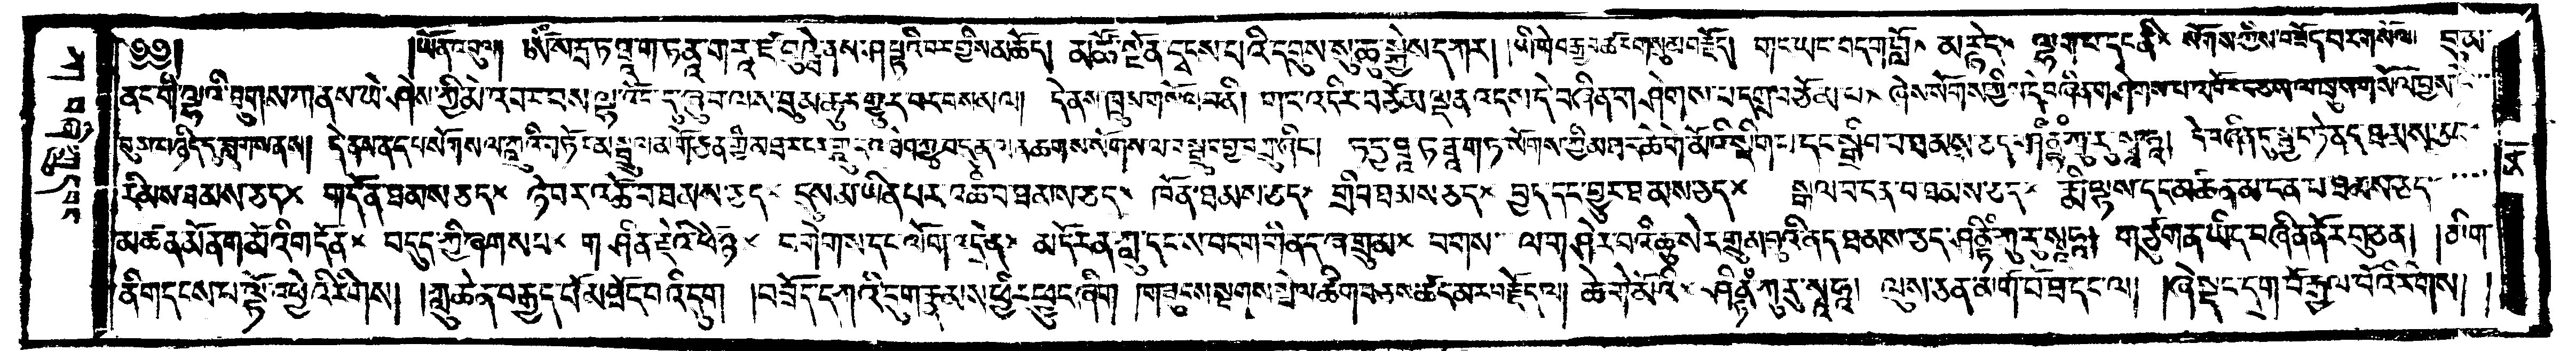༄༅། །ཡོན་འབུལ། ཨོཾ་སརྦ་ཏ་ཐཱ་ག་ཏ་ནཱ་ག་རཱ་ཛ་བུཤྭེ་ནས་ཤྤཏའི་བར་གྱིས་མཆོད། མཚོ་སྔོན་དྭངས་པའི་དབུས་སུ་ཆུ་སྐྱེས་དཀར། །ཡི་གེ་བརྒྱས་ཆོད་གསུམ་བརྗོད། གང་ཡང་བདག་བློ?་མརྙེད་ལྷག་པ་དང་ནི་སོགས་ཀྱིས་བཟོད་བར་གསོལ་བུམ་
ནང་གི་ལྷའི་ཐུགས་ཀ་ནས་ཡེ་ཤེས་ཀྱི་མེ་འབར་བས་ལྷ་འོང་དུ་ཞུབ་ལས་བུམ་ཆུར་གྱུར་བ་དང་སམ་ལ། དེ་ནས་ཁྲུས་གསོལ་བ་ནི། གང་འདིར་བཅོམ་ལྡན་འདས་དེ་བཞིན་གཤེགས་པ་དགྲ་བཅོམ་པར་ཞེས་སོགས་ཀྱི་དེ་བཞིན་གཤེགས་པ་འཁོར་དྕམ་ལ་ཁྲུས་གསོལ་བྱས?
བུར་བྙིད་དུ་བླགས་ནས། དེ་ནས་ནད་པ་སོགས་ལ་ཀླུའི་གཏོར་མ་སྦྲུལ་མགོ་ཅན་གྱི་མཐར་ངར་གླུད་འཐེབ་ཀྱུ་བདུན་ལན་ཆགས་སོགས་ལ་སྦུང་བྱ་བཀྲུ་ཞིང་། ཏཌཡ་ཐཱ་ཏ་ཐཱ་ག་ཏ་སོགས་ཀྱི་བཞད་ཆེ་གེ་མོའི་སྡིག་པ་དང་སྒྲིབ་པ་ཐམས་ཅད་ཤིནྟཾ་ཀུ་རུ་སྭཱ་ཧཱ། དེ་བཞིན་དུ་སྦྱང་ཏེ་ནད་ཐམས་ཅད་
རིམས་ཐམས་ཅད་྾། གདོན་ཐམ་ཅད་྾། ཉེ་བར་འཚོ་བ་ཐམས་ཅད་དུས་མ་ཡིན་པར་འཆབཾ་ཐམས་ཅད་ཁོན་ཐམས་ཅད་གྲིབ་ཐམས་ཅད་྾་བྱད་དང་བྱུང་ཐམས་ཅད་྾་སྦལ་བ་དང་ཐམས་ཅད་མི་ལྟས་དང་མཚན་མ་དན་པས་ཐམས་ཅད་
མཚན་མོ་ནག་མོའི་གདོན་྾་བདུད་ཀྱི་ཞགས་པ་གཤིན་རྗེའི་ཕོ་ཉ་བགེགས་དང་ལོག་འདྲེན་྾་མདོར་ན་ཀླུ་དང་ས་བདག་གི་ནད་ལ་གྲུམ་྾་པགས་ལ་གཤེར་བའི་ཆུ་སེར་གྲུམ་བུའི་ནད་ཐམས་ཅད་ཤིནྟཾ་ཀུ་རུ་སྭཱ་ཧཱ། གཙུག་ན་ཡིད་བཞིན་ནོར་བུ་ཅན། མིག་
ནི་གདངས་པ་ལྟོ་འཕྱེའི་རིགས། །ཀླུ་ཆེན་བརྒྱད་པོ་མཐོང་བའི་དུག །བཟོད་དཀའི་དུག་རྣམས་ཕྱིར་ཕྱུང་ཞིག །གཟུངས་སྔགས་སྲེལ?་ཚིག་བཅས་ཚད་མར་བརྗོད་ལ། ཆེ་གེ་མོའི་ཤིནྟཾ་ཀུ་རུ་སྭཱ་ཧཱ། ལུས་ཅན་མགོ་བོ་ཐ་དང་ལ། །ཞེ་སྡང་དག་པོ་བྲལ་པོའི་རེགས། །